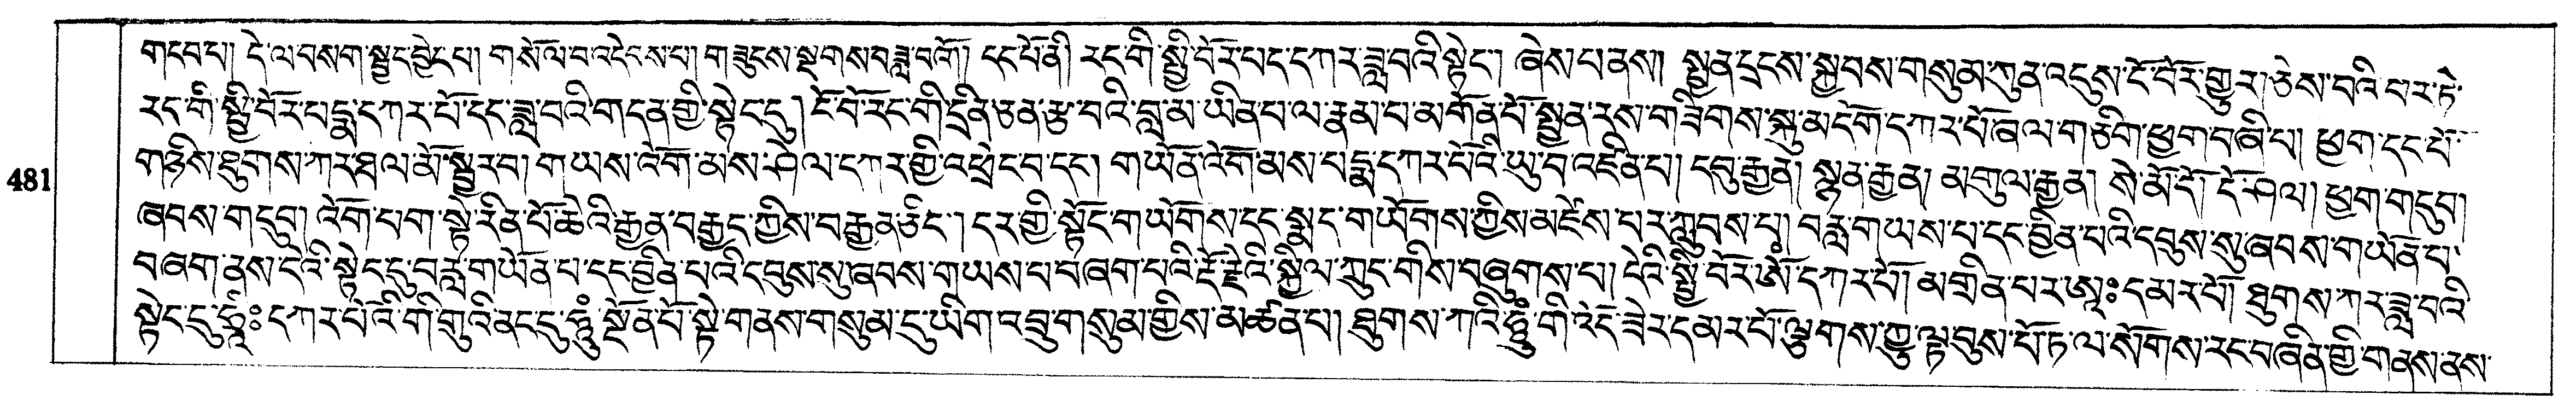གདབ་པ། དེ་ལ་བསག་སྦྱད་བྱེད་པ། གསོལ་བ་འདེབས་པ། གཟུངས་སྔགས་བཟླ་བའོ། །དང་པོ་ནི། རང་གི་སྤྱི་བོར་པད་དཀར་ཟླ་བའི་སྟེང་། ཞེས་པ་ནས། སྤྱན་དྲངས་སྐྱབས་གསུམ་ཀུན་འདུས་ངོ་བོར་གྱུར། ཅེས་པའི་བར་ཏེ་
རང་གི་སྤྱི་བོར་པདམ་དཀར་པོ་དང་ཟླ་བའི་གདན་གྱི་སྟེང་དུ། ངོ་བོ་རང་གི་དྲིན་ཅན་རྩ་བའི་བླ་མ་ཡིན་པ་ལ་རྣམ་པ་མགོན་པོ་སྤྱན་རས་གཟིགས་སྐུ་མདོག་དཀར་པོ་ཞལ་གཅིག་ཕྱག་བཞི་པ། ཕྱག་དང་པོ་
གཉིས་ཐུགས་ཀར་ཐལ་མོ་སྦྱར་བ། གཡས་འོག་མས་ཤེལ་དཀར་གྱི་འཕྲེང་བ་དང་། གཡོན་འོག་མས་པདམ་དཀར་པོའི་ཡུ་བ་འཛིན་པ། དབུ་རྒྱན། སྙན་རྒྱན། མགུལ་རྒྱན། སེ་མོ་དོ། དོ་ཤལ། ཕྱག་གདུབ།
ཞབས་གདུབ། འོག་པག་སྟེ་རིན་པོ་ཆེའི་རྒྱན་བརྒྱད་ཀྱིས་བརྒྱན་ཅིང་། དར་གྱི་སྟོང་གཡོགས་དང་སྨད་གཡོགས་ཀྱིས་མཛེས་པར་ཀླུབས་པཾ། བརླ་གཡས་པ་དང་བྱིན་པའི་དབུས་སུ་ཞབས་གཡོན་པ་
བཞག་ནས་དེའི་སྟེང་དུ་བརླ་གཡོན་པ་དང་བྱིན་པའི་དབུས་སུ་ཞབས་གཡས་པ་བཞག་པའི་རྡོ་རྗེའི་སྐྱིལ་ཀྲུང་གིས་བཞུགས་པ། དེའི་སྤྱི་བོར་ཨོཾ་དཀར་པོ། མགྲིན་པར་ཨཱཿ དམར་པོ། ཐུགས་ཀར་ཟླ་བའི་
སྟེང་དུ་ཧྲཱིཿ དཀར་པོའི་གི་གུའི་ནང་དུ་ཧཱུཾ་སྔོན་པོ་སྟེ་གནས་གསུམ་དུ་ཡིག་འབྲུ་གསུམ་གྱིས་མཚན་པ། ཐུགས་ཀའི་ཧཱུཾ་གི་འོད་ཟེར་དམར་པོ་ལྕགས་ཀྱུ་ལྟ་བུས་པོ་ཏ་ལ་སོགས་རང་བཞིན་གྱི་གནས་ནས་